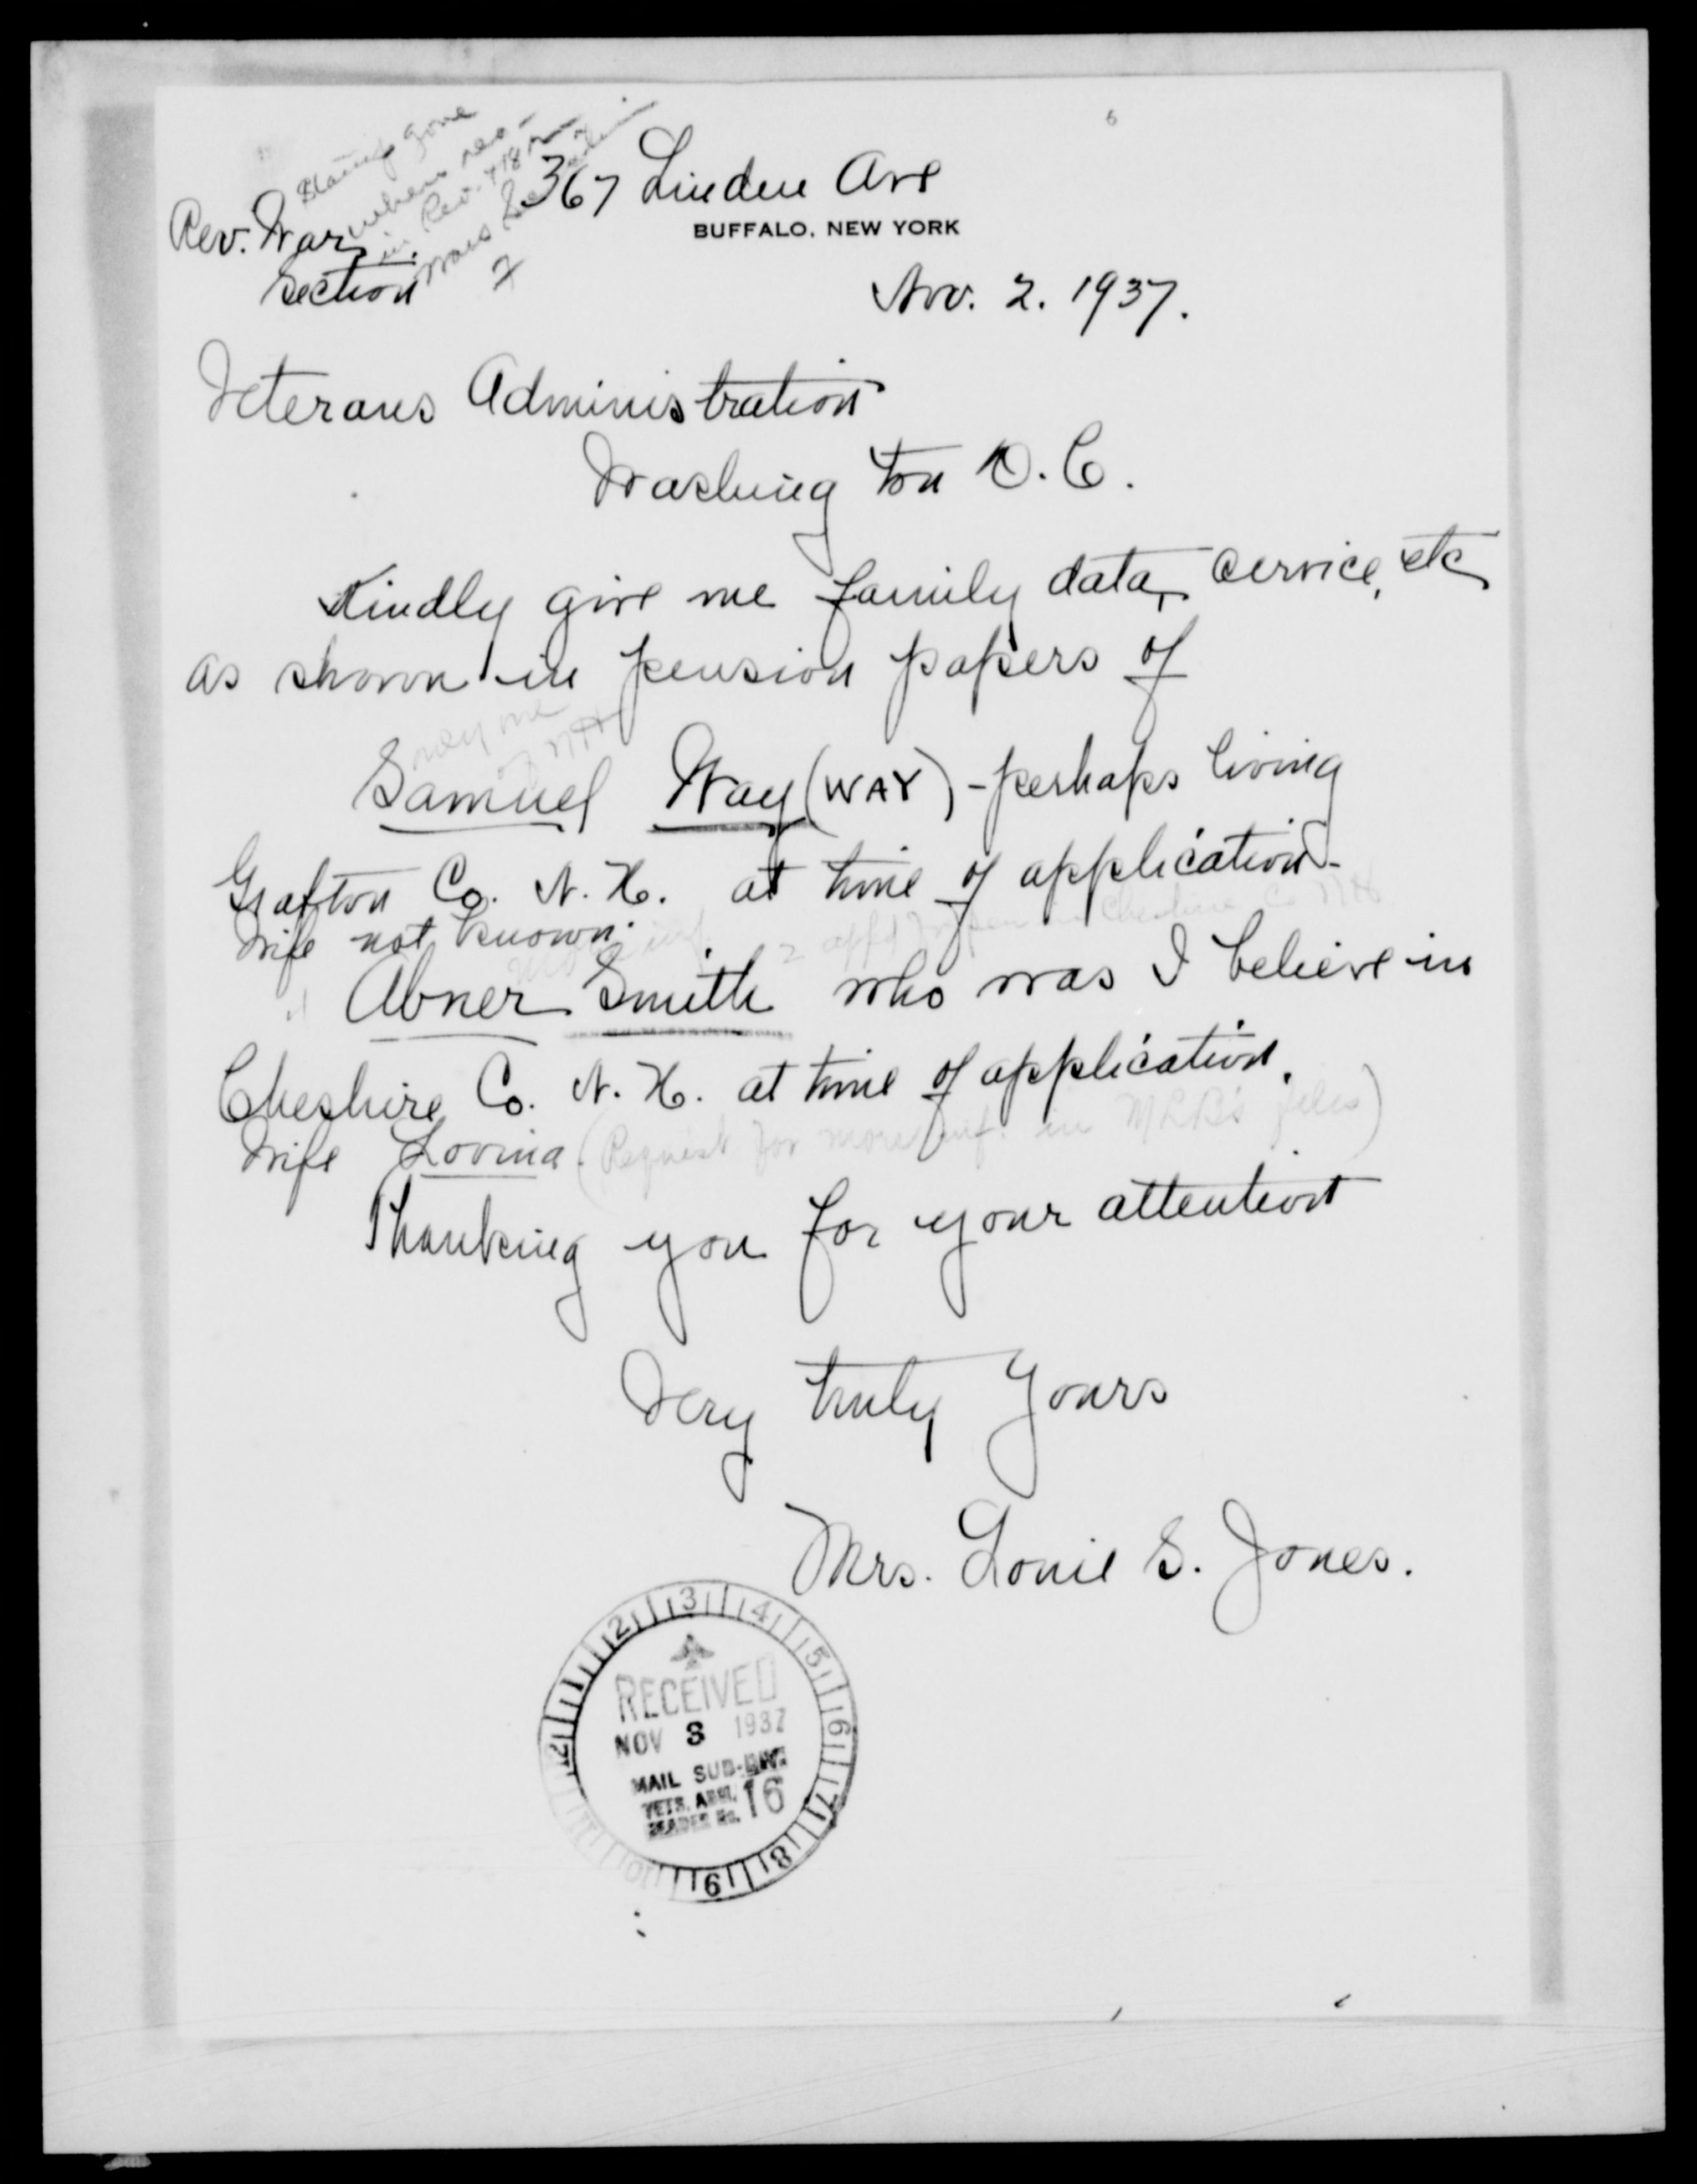367 Linden Ave
BUFFALO, NEW YORK
Rev. War Section
Nov. 2. 1937.
Veterans Administration
Washington D. C

Kindly give me family data, service etc
as shown in pension papers of
Samuel Way (WAY) perhaps living
Grafton Co. N.H. at time of application
Wife not known
Abner Smith who was I believe in
Cheshire Co. N.H. at time of application
wife Lovina.

Thanking you for your attention
very truly yours

Mrs. Louie S. Jones
RECEIVED NOV 3 1937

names: Samuel Way, Abner Smith, Louie S Jones, Lovina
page: 70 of 78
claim: widow's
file: W. 25856, Samuel Way, N.H.